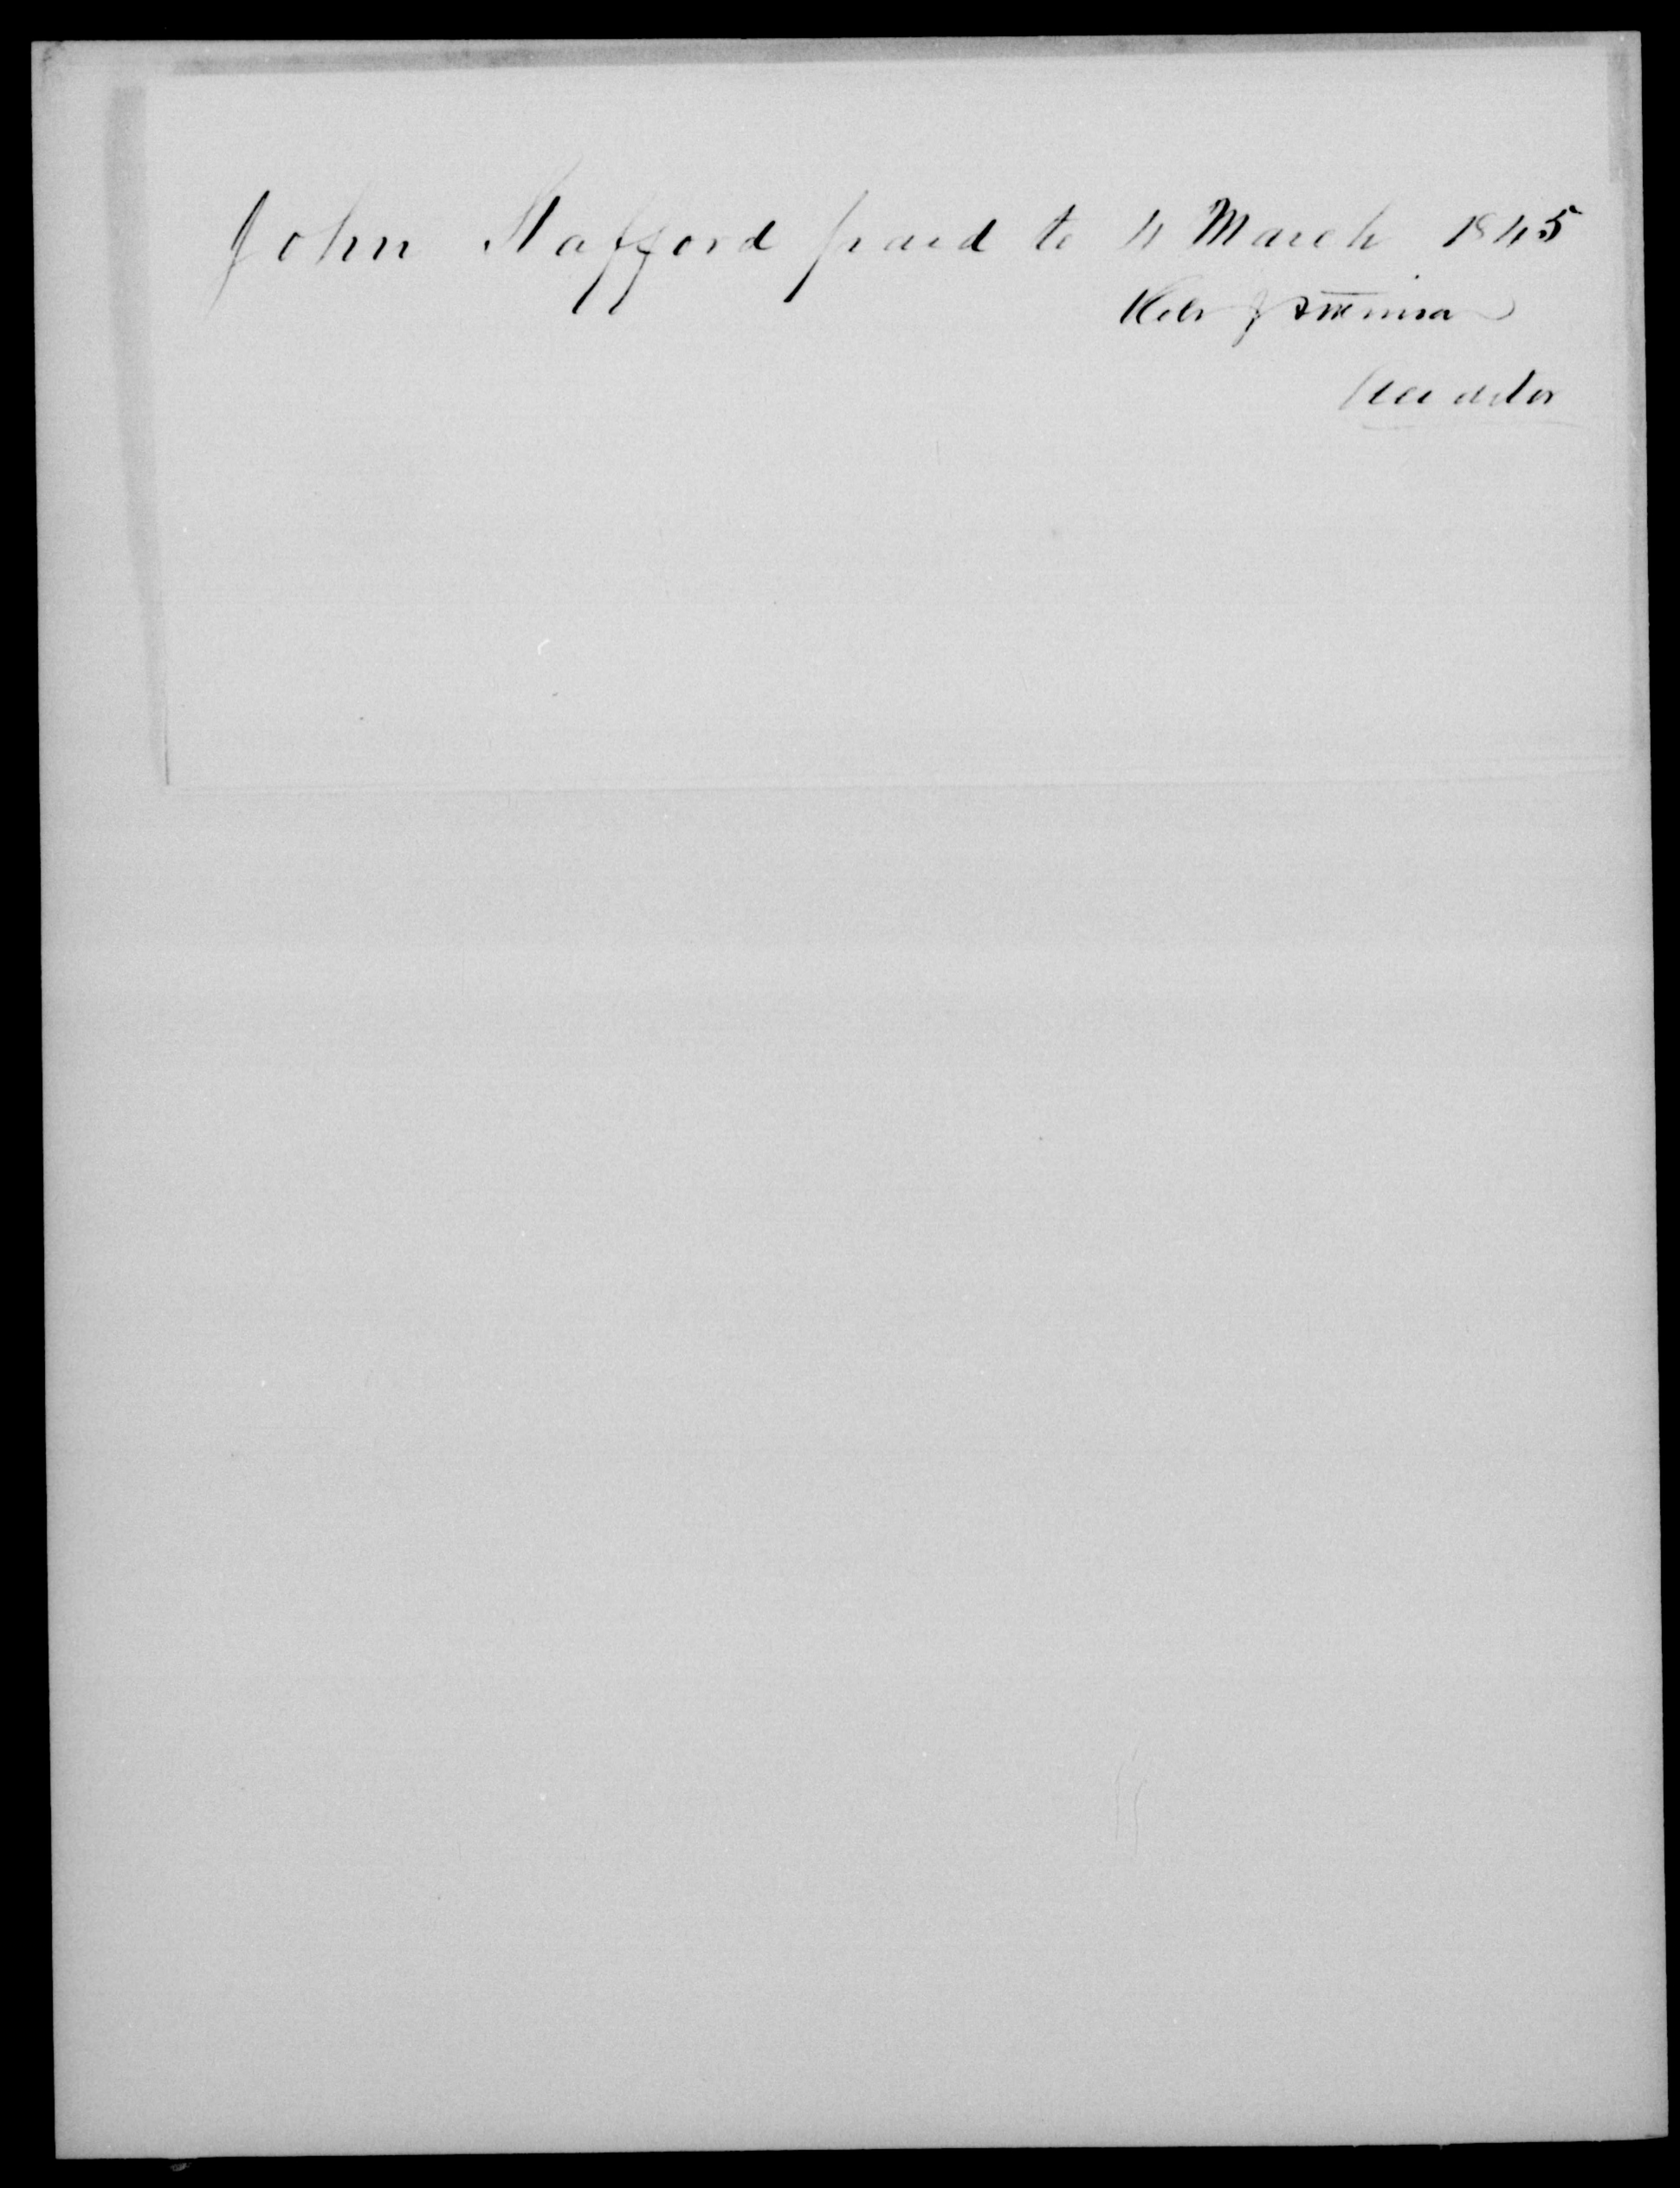John Stafford paid to March 1845
Rear pension
Hendctor[?]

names: John Stafford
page: 56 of 61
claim: widow's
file: W. 11554, for John Stafford, Maryland